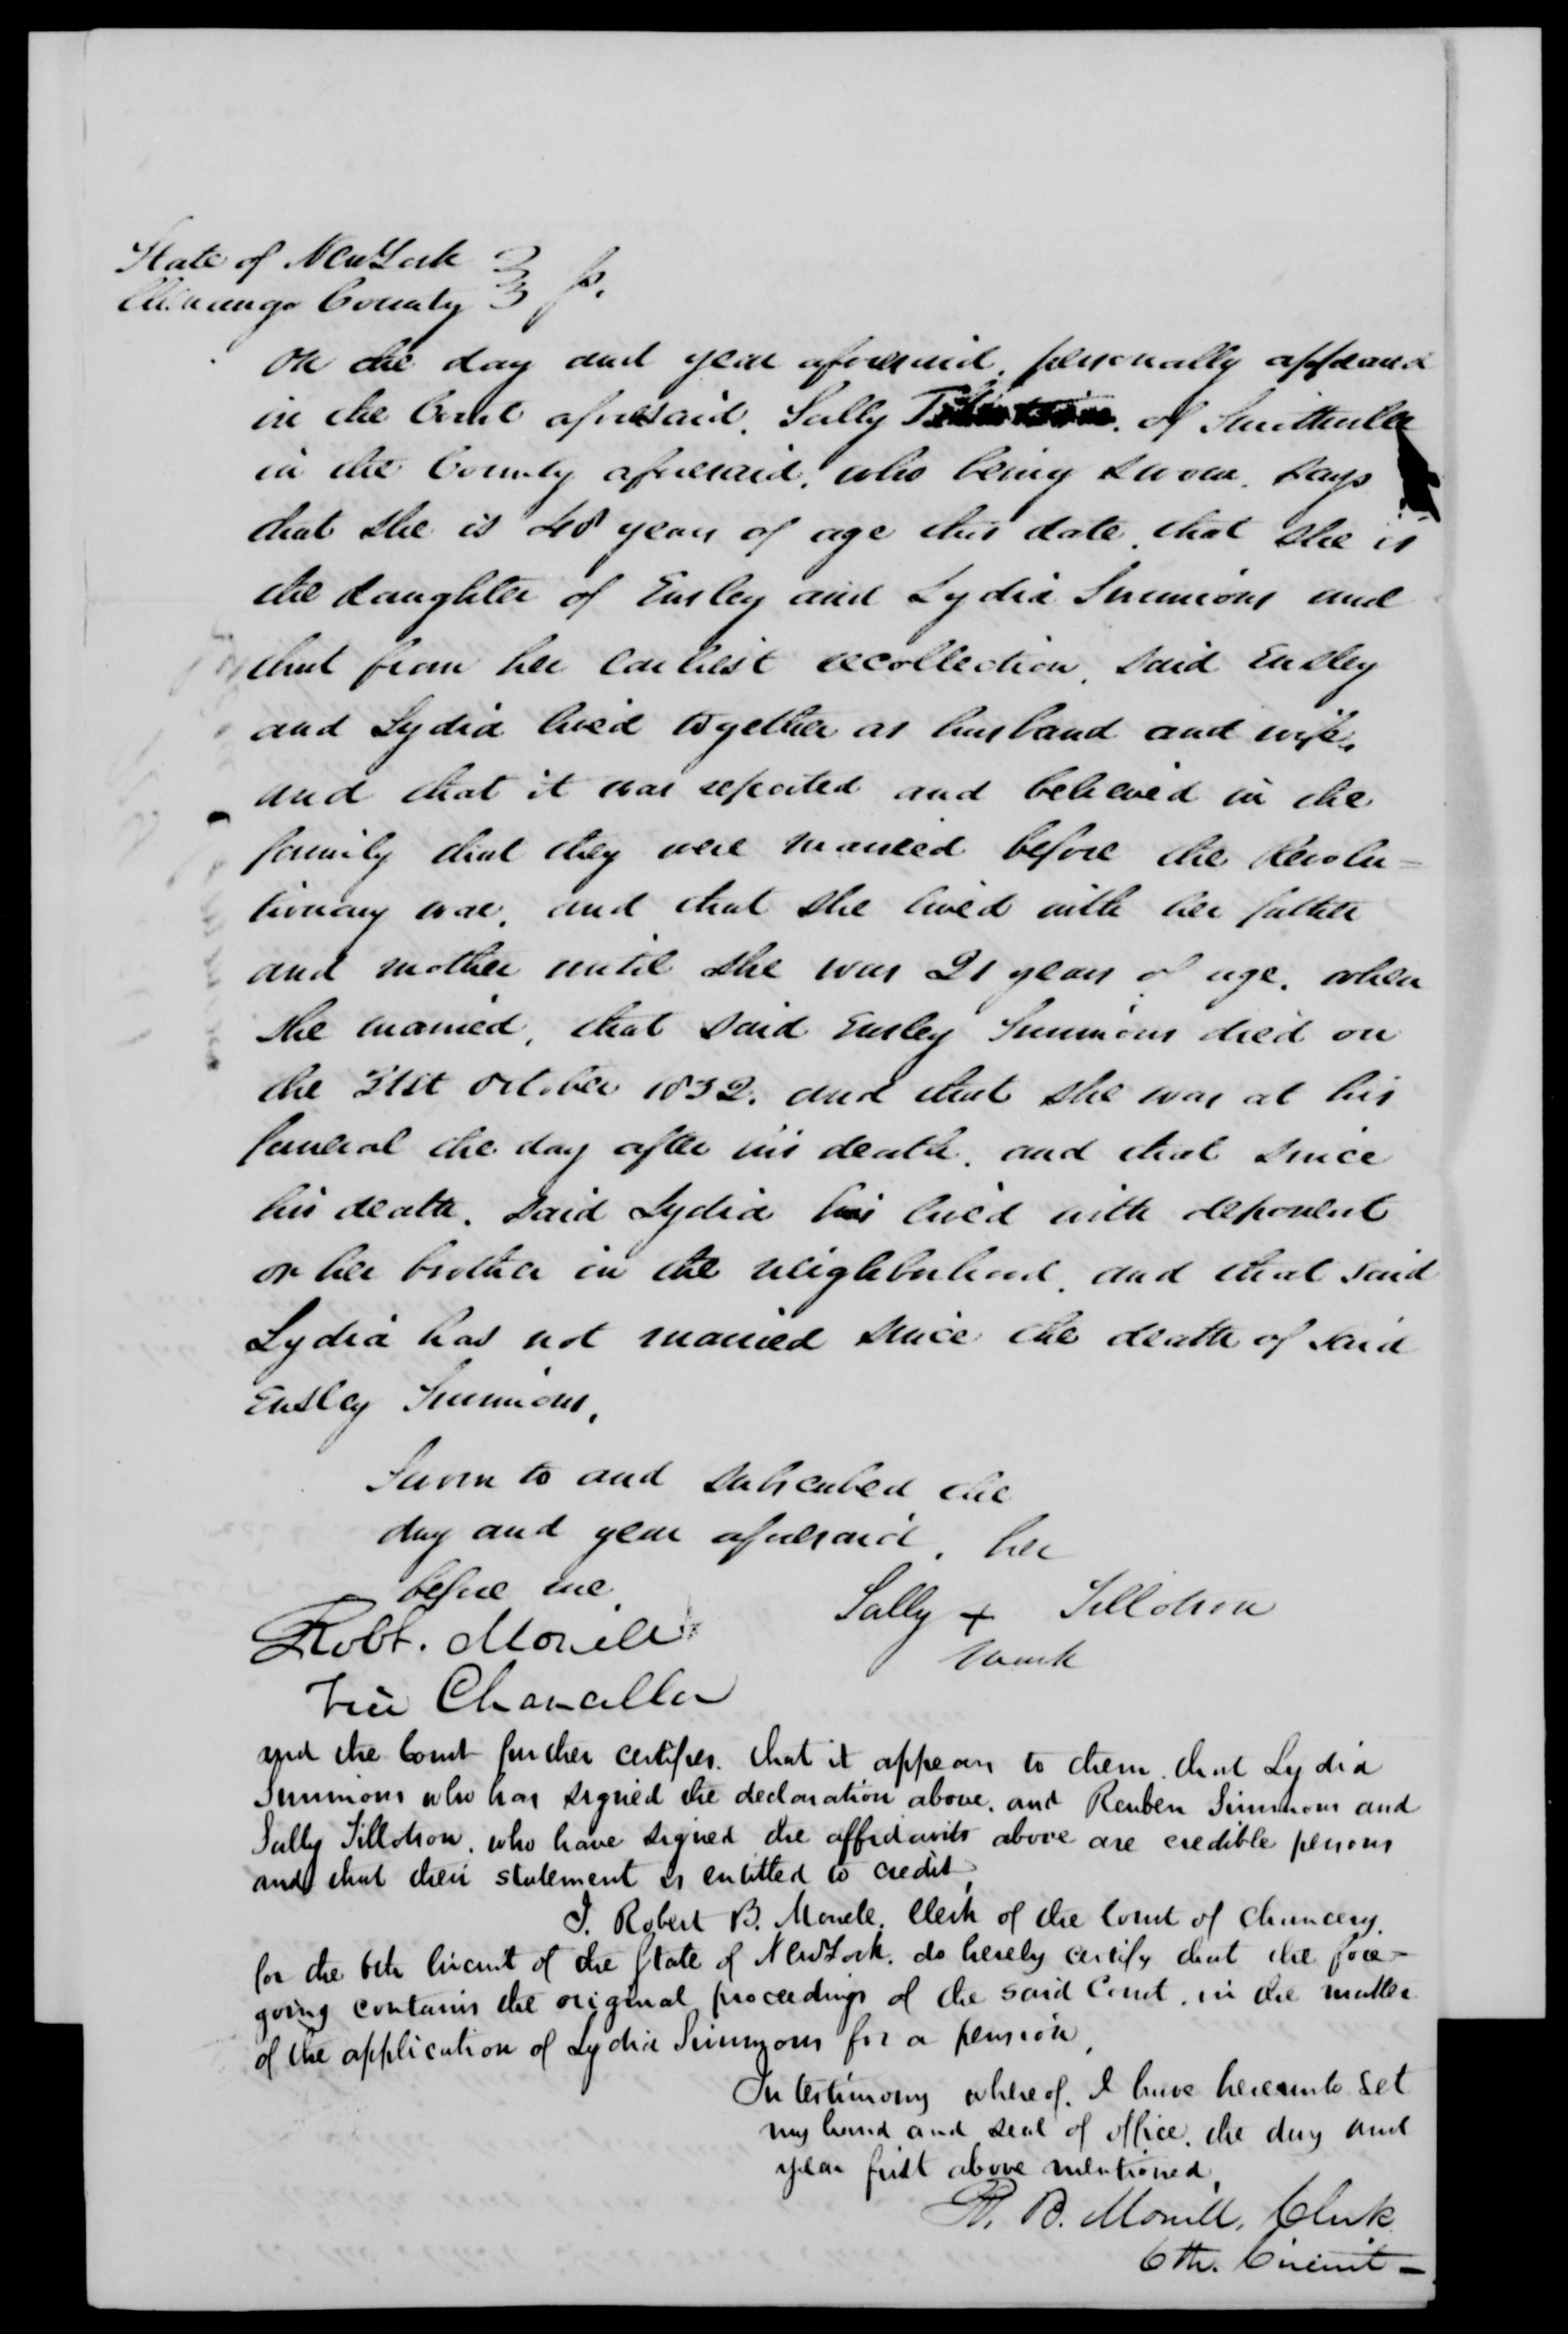State of New York, Chanango County ss.
On the day and year aforesaid, personally appeared in the Court aforesaid, Sally Tillohon, of  Preusthoille in the County aforesaid, who being sworn says that she is 48 years of age this date that she is the daughter of Ensley and Lydia Simmons and that from her earliest recollection, said Ensley and Lydia lived together as husband and wife, and that it was reported and believed in the family that they were married before the Revolutionary war, and that she lived with her father and mother until she was 21 years of age, when she married. That said Ensley Simmons died on the 31st October 1832, and that she was at his funeral the day after his death and that since his death, said Lydia has lived with deponent or her brother in the neighborhood and that said Lydia has not married since the death of said Ensley Simmons.
Sworn to and subscribed the day and year aforesaid.
Sally Tillohon - X her mark
Before me Robt. Morrell, Vice Chanceller
And the Court further certifies that it appears to them, that Lydia Simmons who has signed the declaraiton above, and Reuben Simmons and Sally Tillohon, who have signed the affidavits above are credible persons and that their statement is entitled to credit.
I, Robert B. Morrell, Clerk of the Court of Chancery, for the 6th Circuit of the State of New York, do hereby certify that the foregoing contains the original proceedings of the said Court, in the matter of the applicaiton of Lydia Simmons for a pension.
In thestimony whereof I have hereunto set my hand and seal of office the day and year first above mentioned.
R. B. Morrell, Clerk 6th Circuit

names: Ensley Simmons; Reuben Simmons; Sally Tillohon; Lydia [BLANK]; Lydia [BLANK]; R B Morrill; Robert B Morrell; Lydia Simmons; Robt Morrell; Ensley Simmons; Sally Tillohon; Ensley Simmons; Lydia Simmons; Ensley [BLANK]; Lydia [BLANK]; Lydia Simmons; Sally Tillohon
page: 15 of 29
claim: widow's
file: W. 19,032, for Ensley Simmons, New York